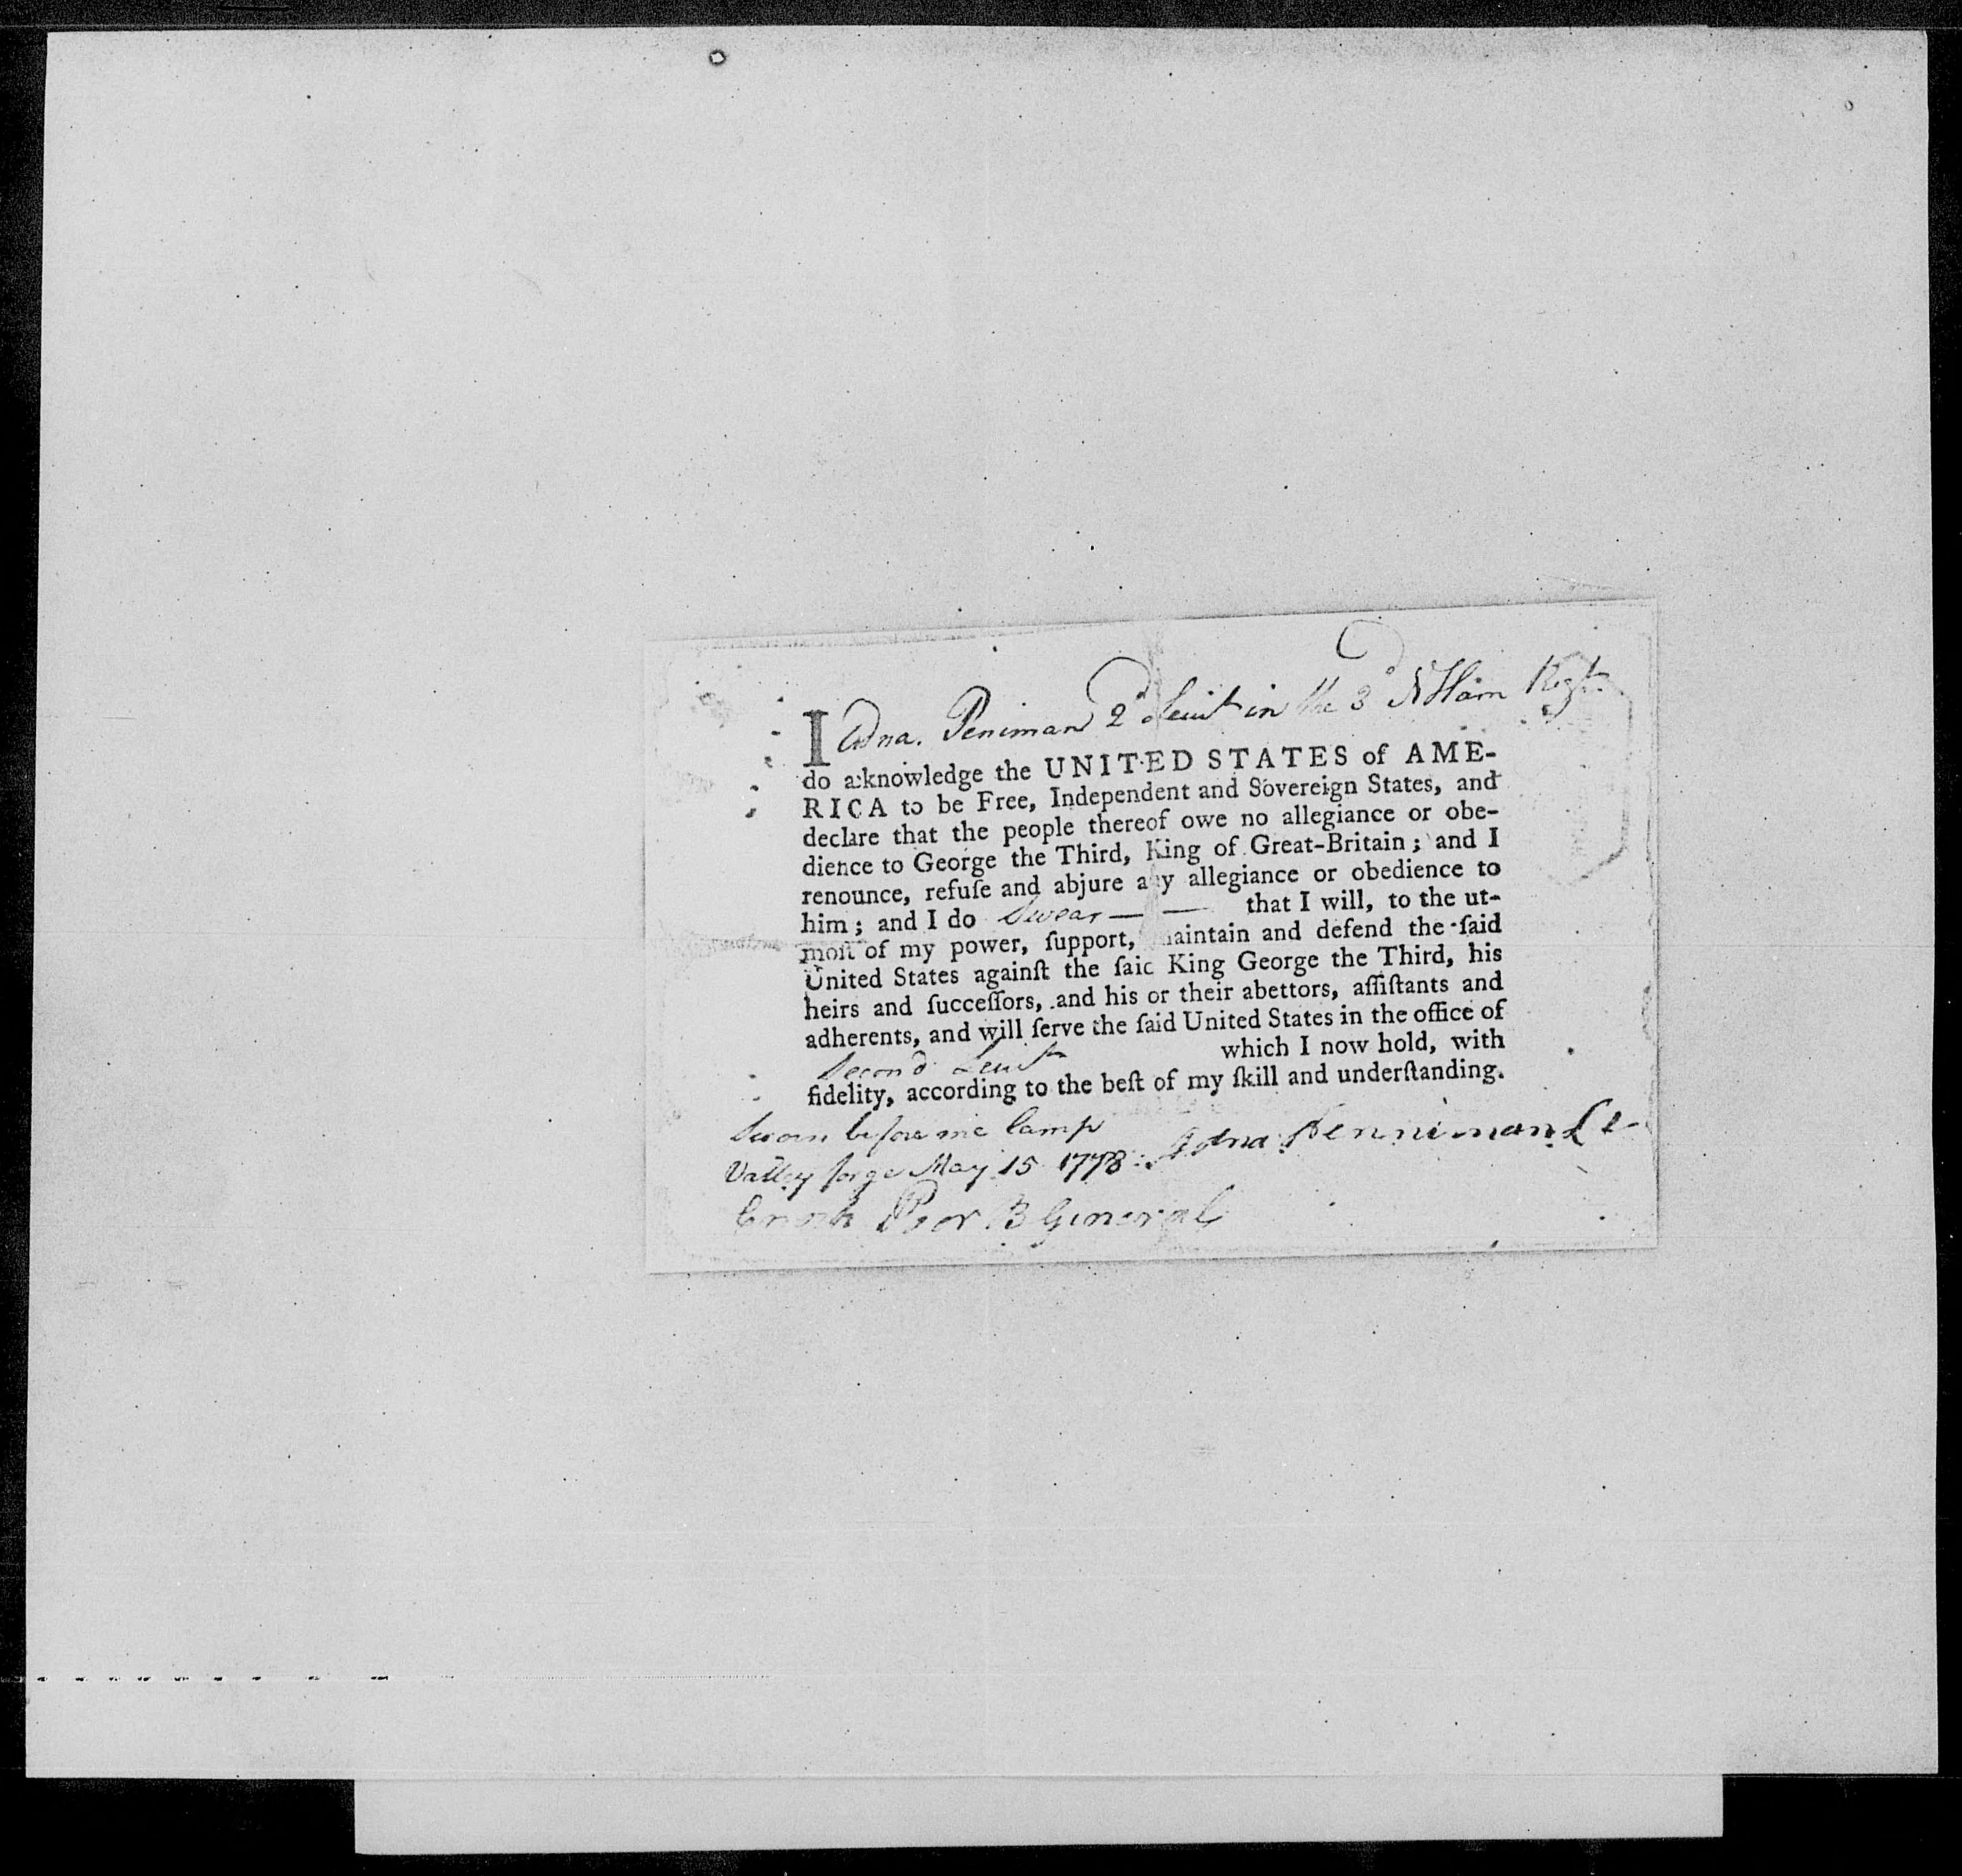I, Adna Peniman 2nd Lieut inthe 3rd NHam Rgt
do acknowledge the UNITED STATES of AMERICA
to be Free, Independent and Sovereign States, and
declare the people thereof owe no allegiance or obedience
to George the Third, King of Great-Britain; and I
renounce, refuse and abjure any allegiance to
him; and I do swear that I will, to the utmost 
of my power, support, maintain and defend the said
United States against the said King George the Third, his
heirs and successors, and his or their abettors, assistants and adherents, and will serve the said United States in the office of
Second Lieut which I now hold, with 
fidelity, according to the best of my skill and understanding.
Sworn before me [illegible]
Valley Forge May 15 1778 Adna Penniman 2nd Lt
[illegible] [illegible] B [illegible]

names: Adna Peniman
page: 10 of 13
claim: survivor's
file: S. 45065, for Adna Penniman, Massachusetts